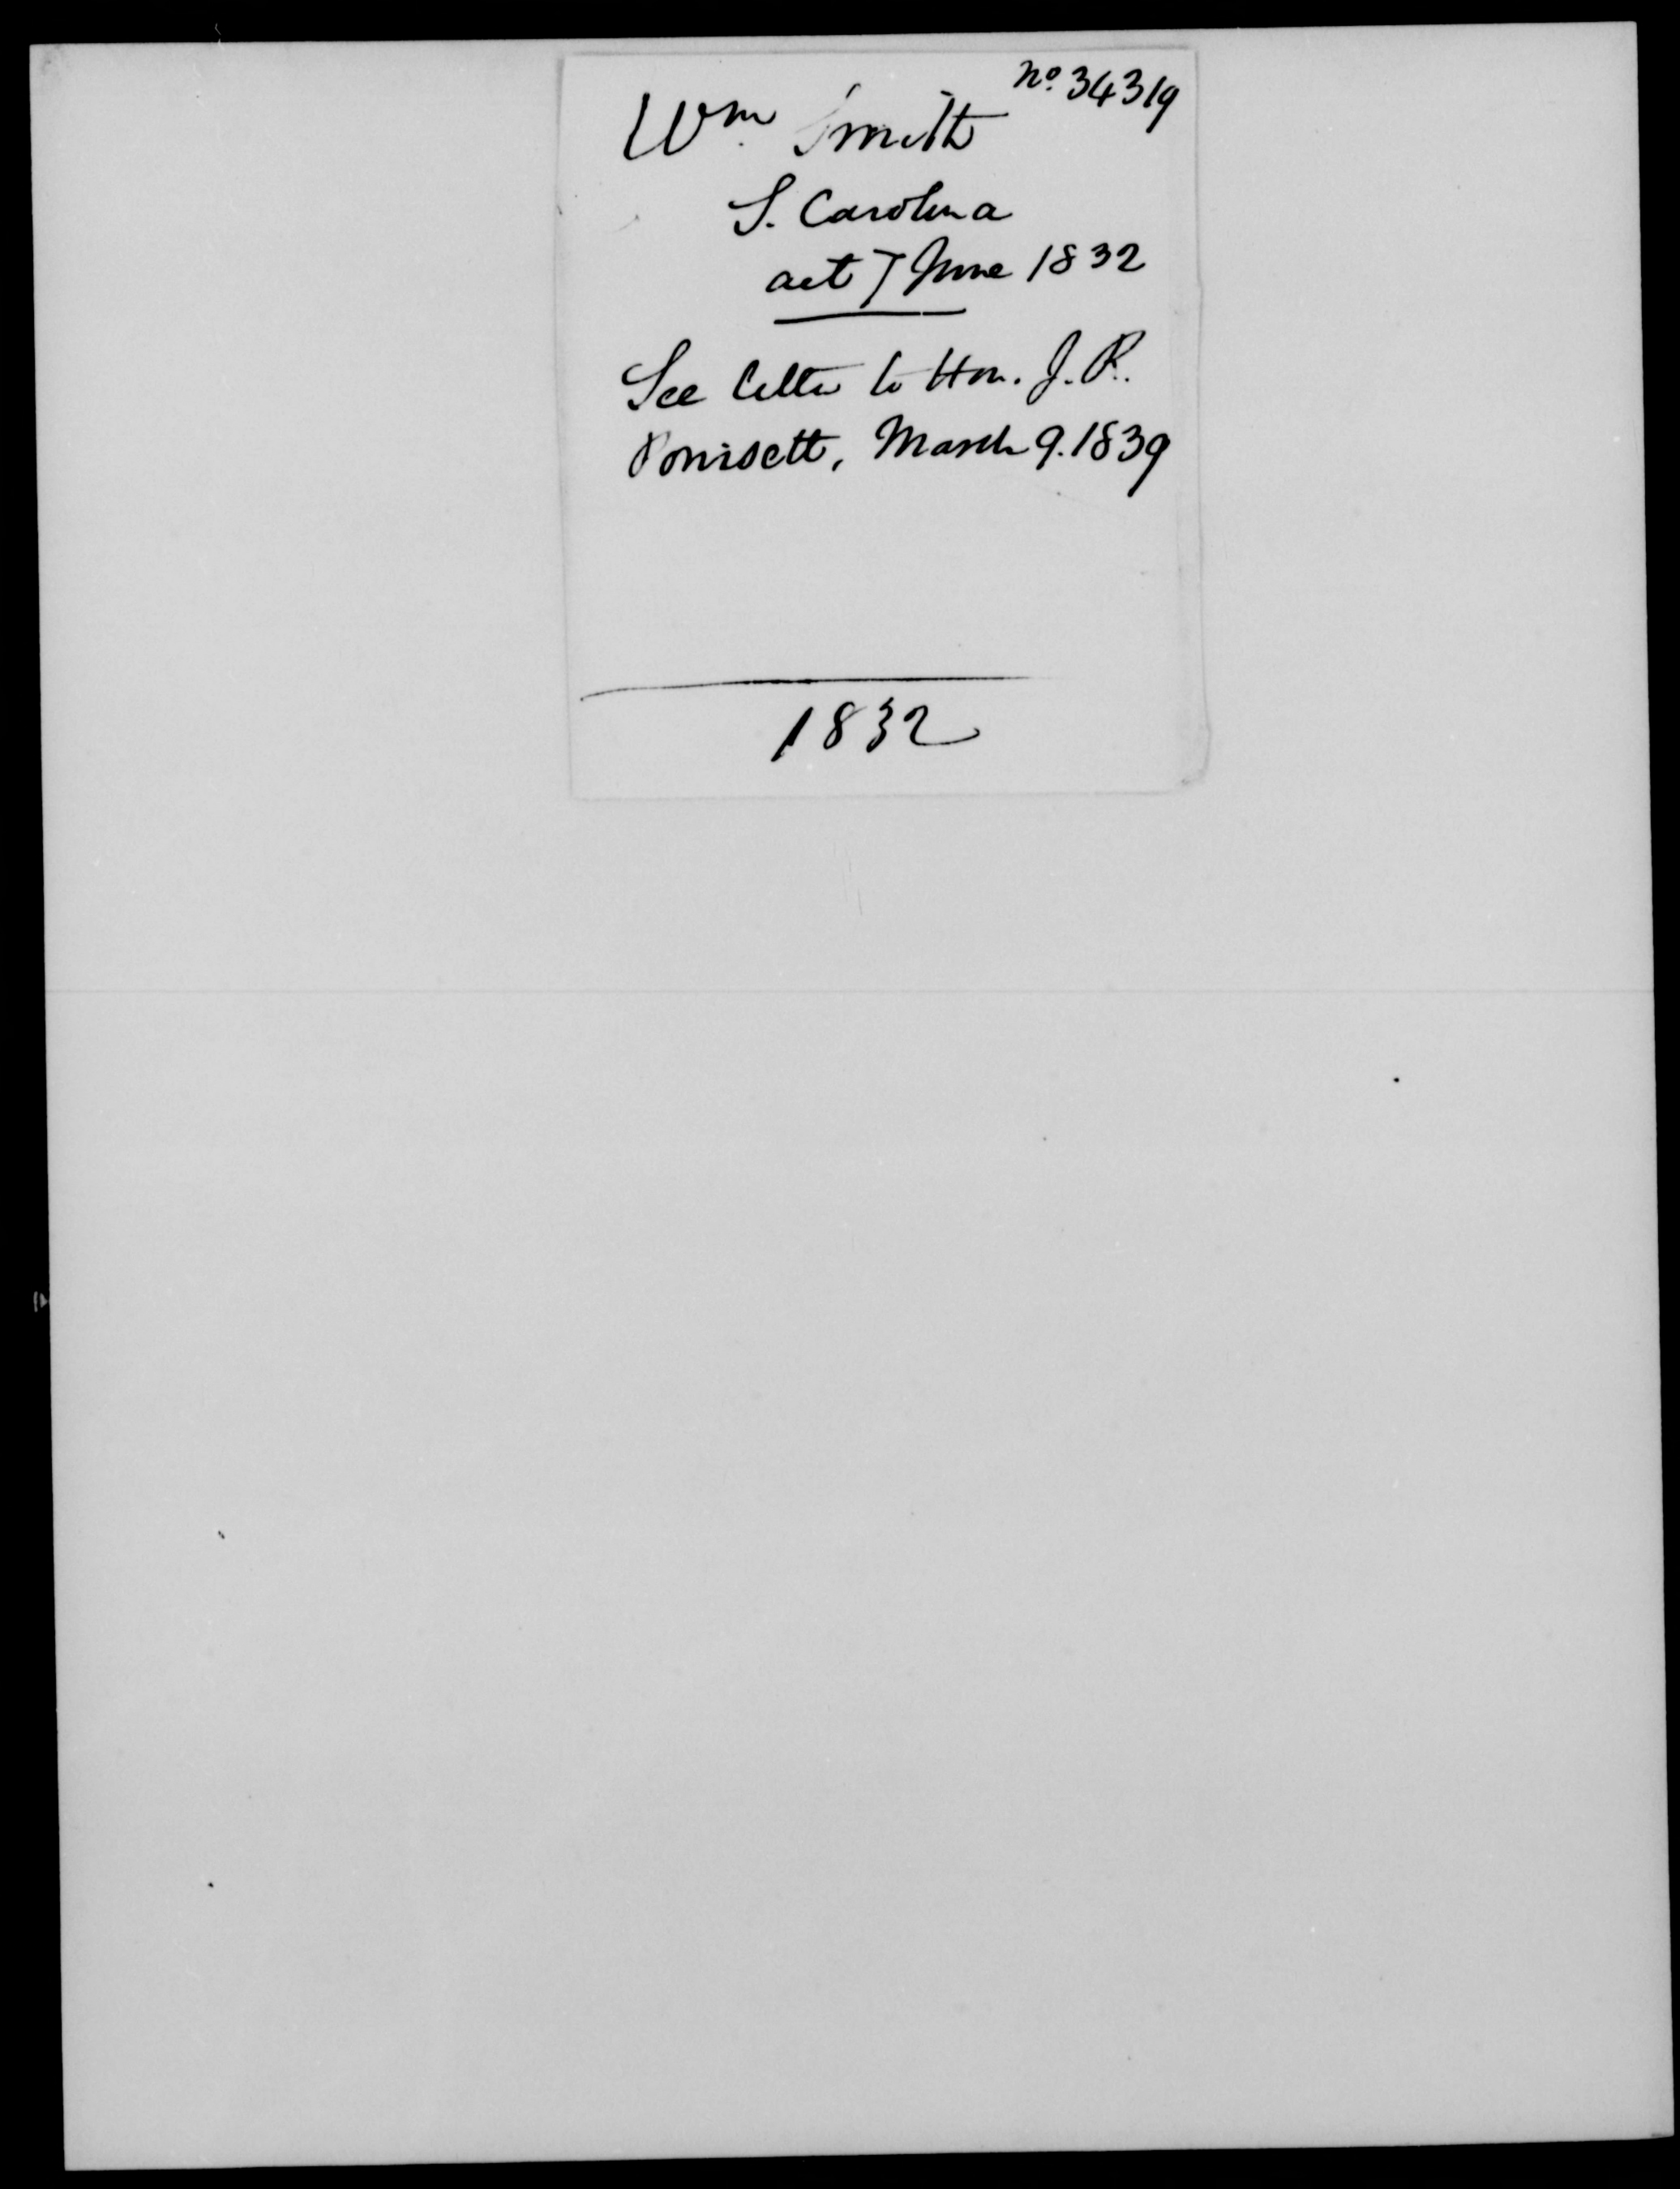No. 34319
Wm. Smith
S. Carolina
act 7 June 1832
---
See letter to Hon. J.R. Poinsett, March 9, 1839
---
1832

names: Wm Smith; J R Poinsett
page: 16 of 21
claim: rejected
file: R. 9875, for William Smith, South Carolina